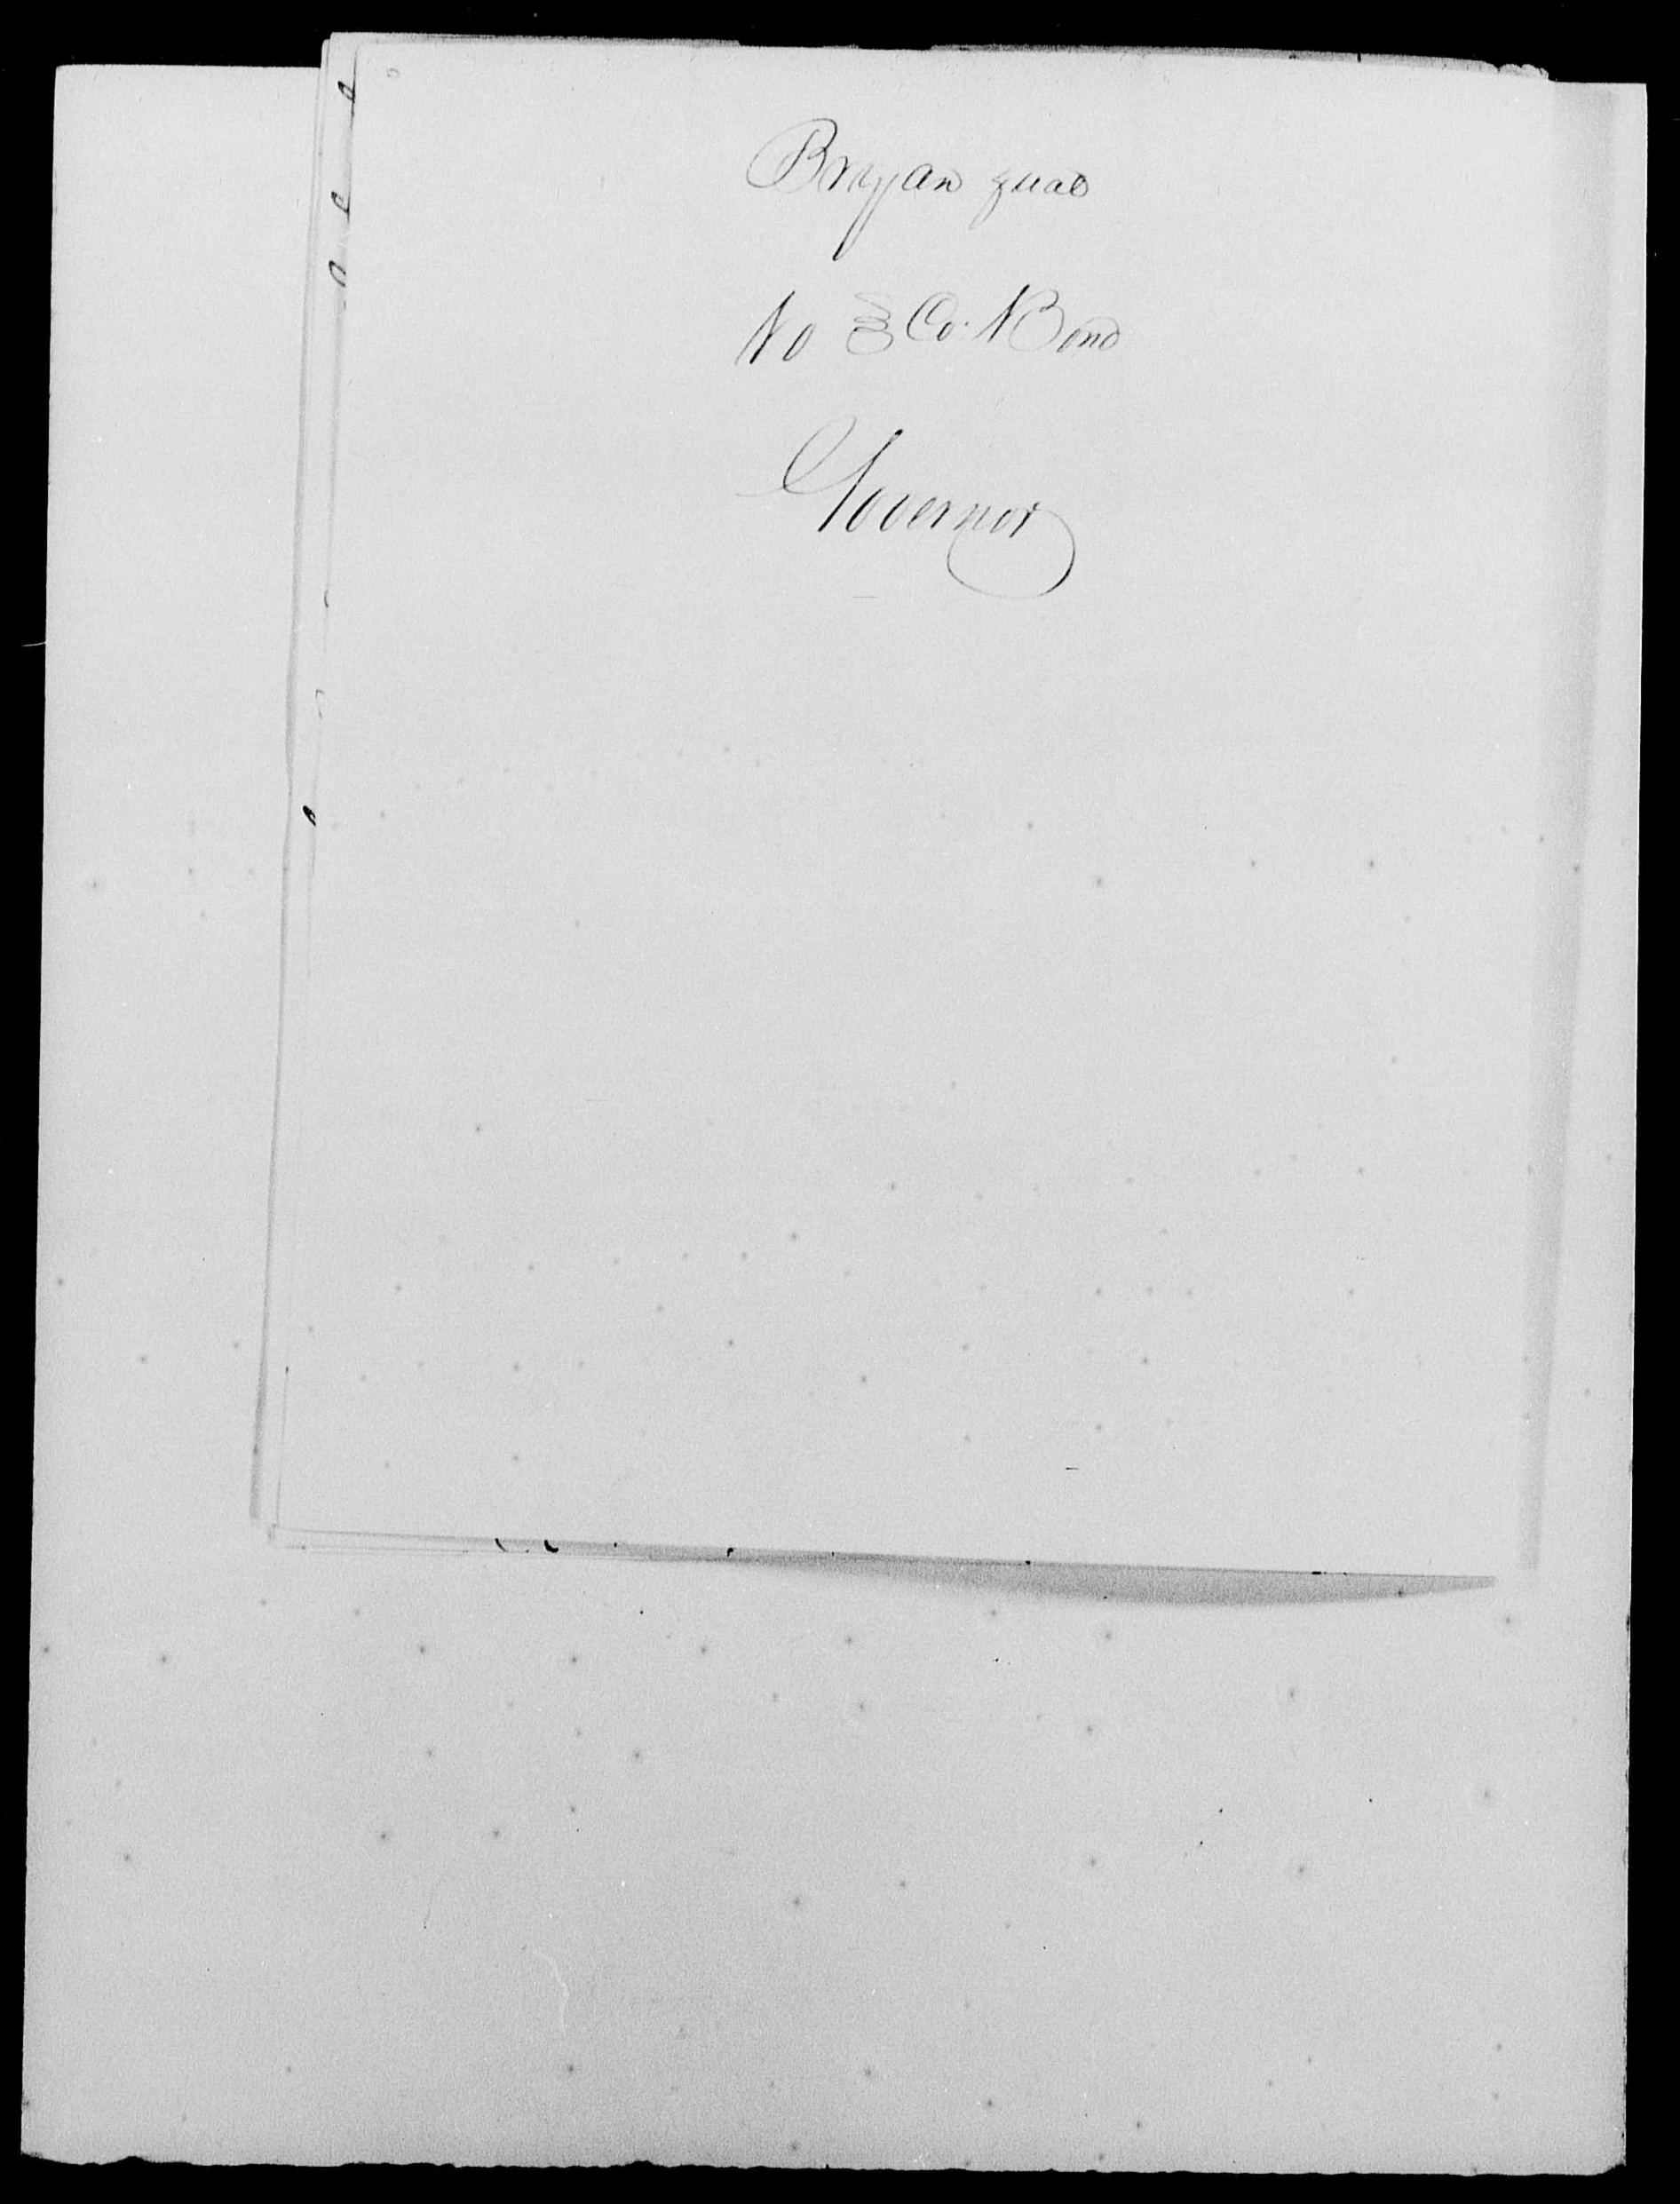Bryan quad

10 & Co. 3rd

Governor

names: Bryan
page: 3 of 31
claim: widow's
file: W. 3759, John Bryan, Va.